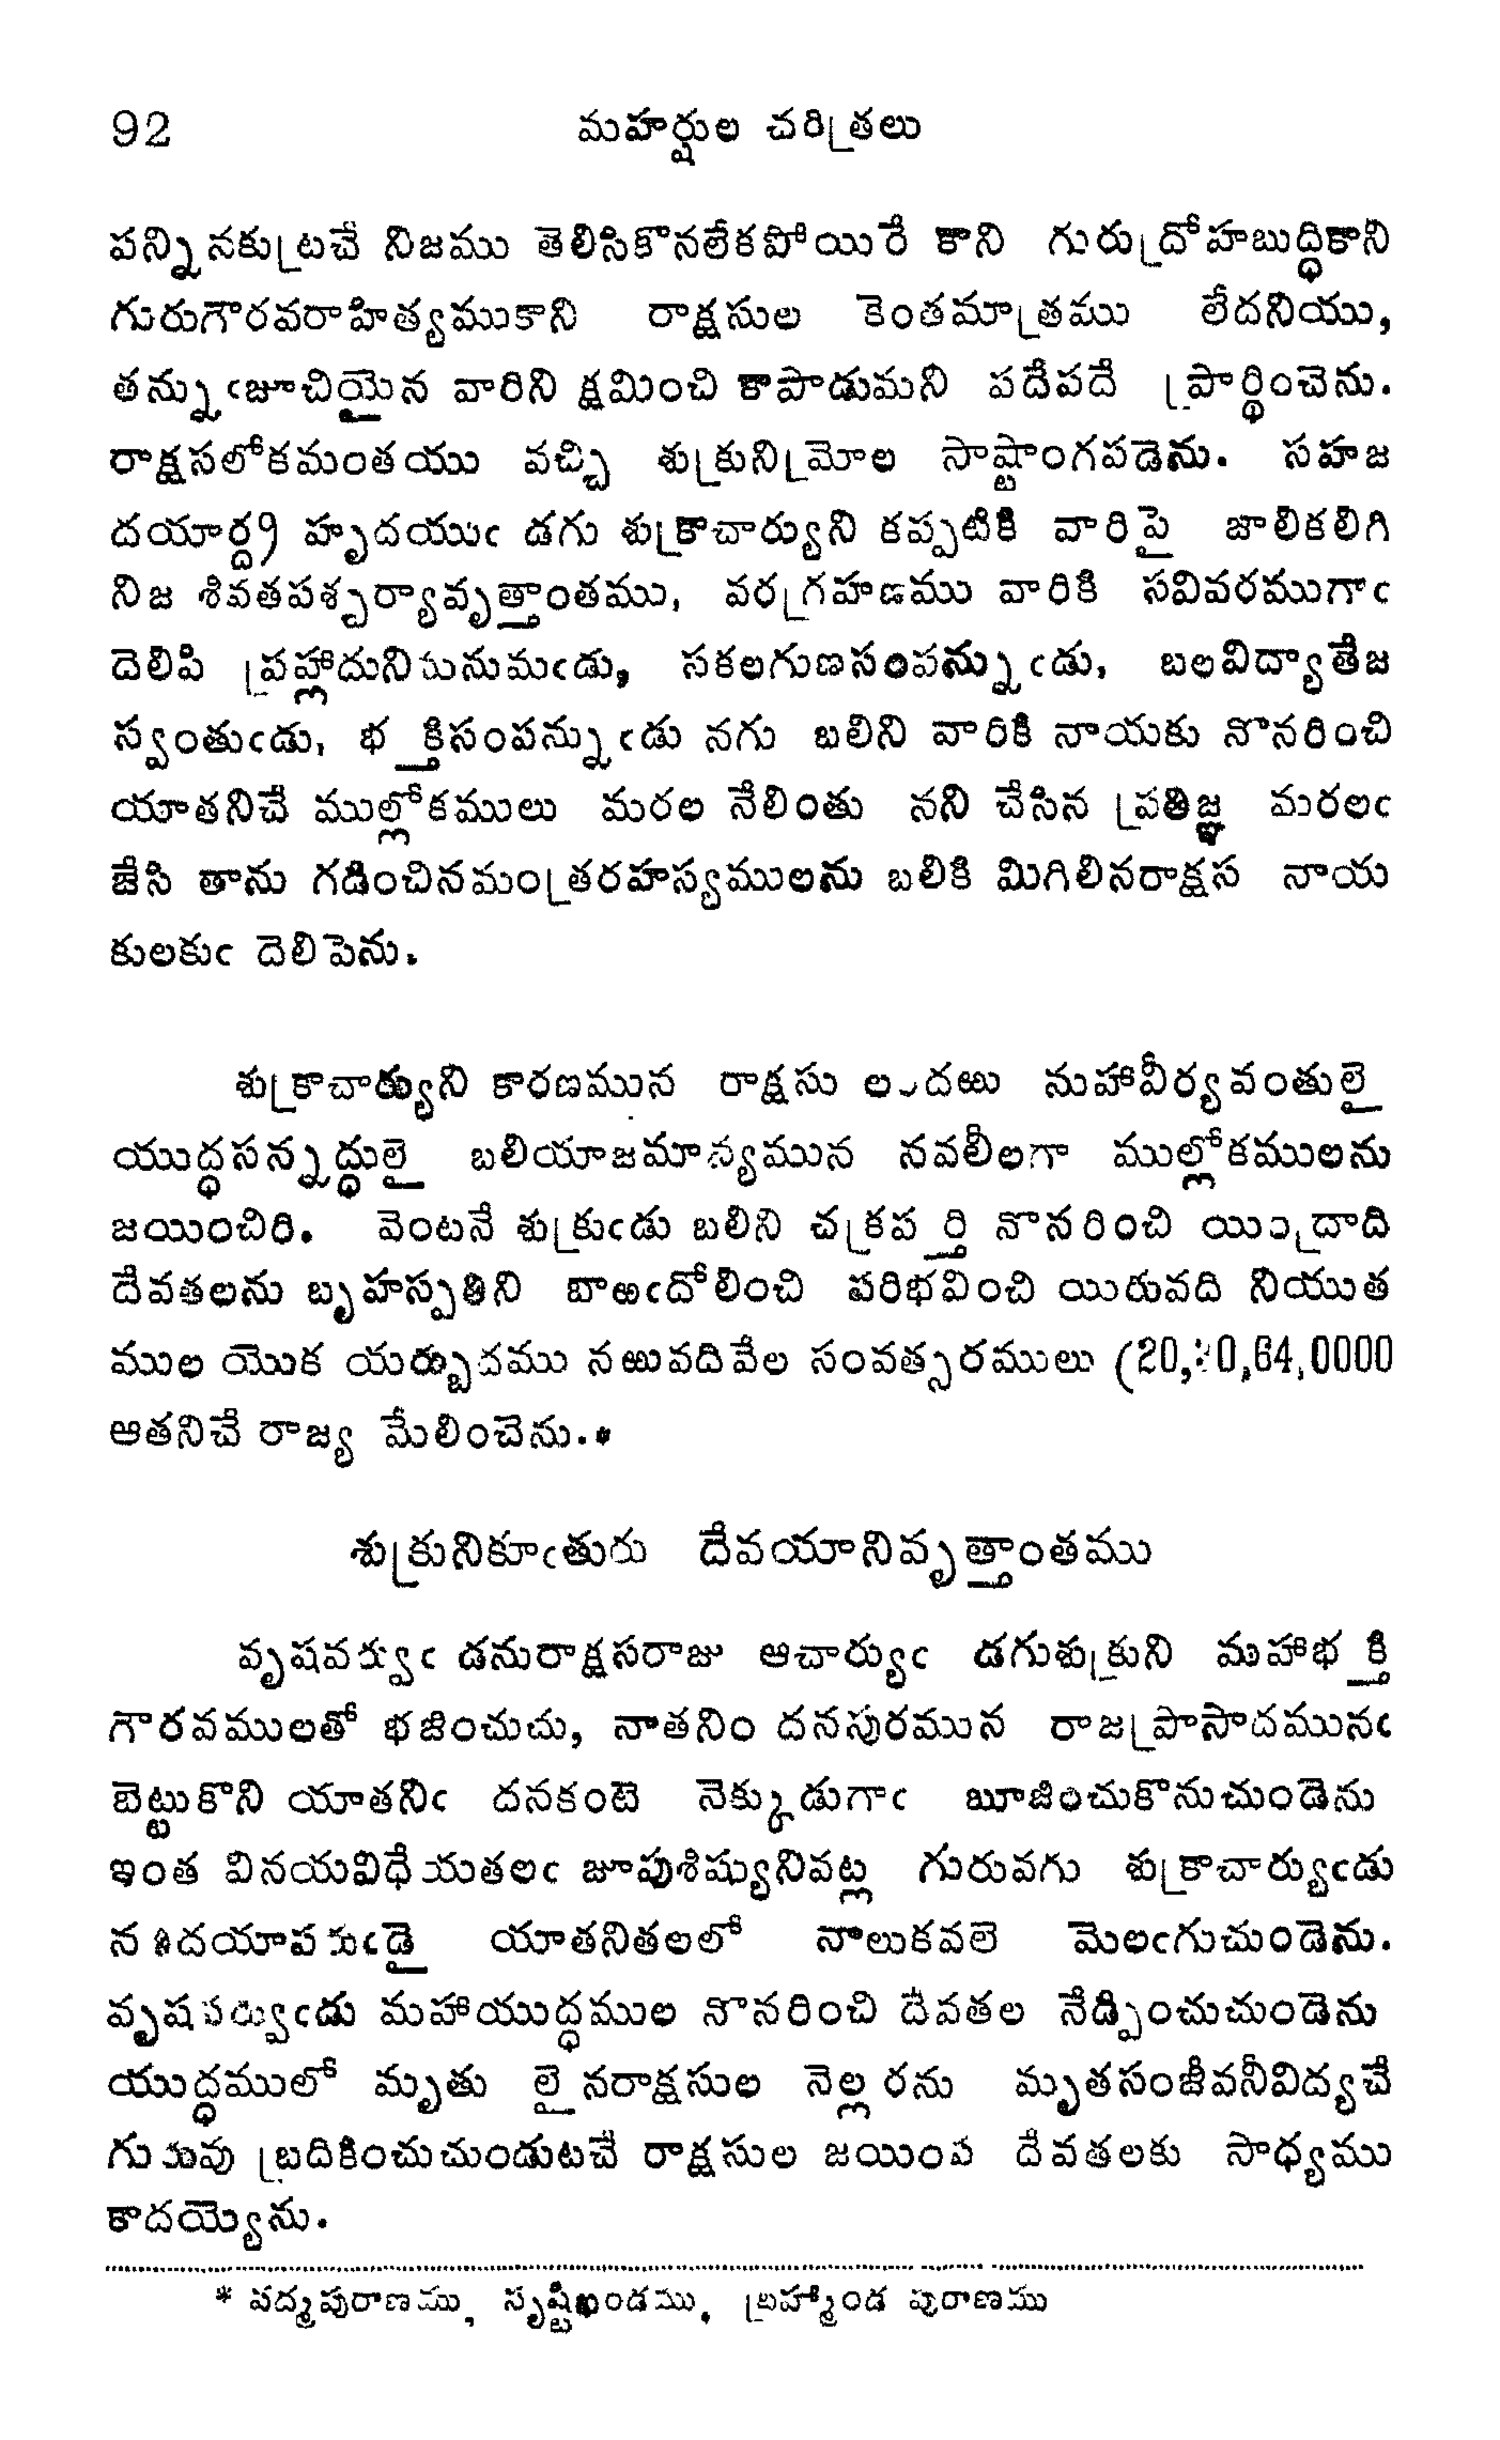పన్నినకుట్రచే నిజము తెలిసికొనలేకపోయిరే కాని గురుద్రోహబుద్దికాని గురుగౌరవరాహిత్యముకాని రాక్షసుల కెంతమాత్రము లేదనియు, తన్నుఁ జూచియైన వారిని క్షమించి కాపాడుమని పదేపదే ప్రార్థించెను. రాక్షసలోకమంతయు వచ్చి శుక్రునిమ్రోల సాష్టాంగపడెను. సహజ దయార్ద్ర హృదయుఁ డగు శుక్రాచార్యుని కప్పటికి వారిపై జాలికలిగి నిజ శివతపశ్చర్యావృత్తాంతము, వరగ్రహణము వారికి సవివరముగాఁ దెలిపి ప్రహ్లాదునిమనుమఁడు, సకలగుణసంపన్నుఁడు, బలవిద్యా తేజస్వంతుఁడు, భక్తిసంపన్నుఁడు నగు బలిని వారికి నాయకు నొనరించి యాతనిచే ముల్లోకములు మరల నేలింతు నని చేసిన ప్రతిజ్ఞ మరలఁ జేసి తాను గడించినమంత్రరహస్యములను బలికి మిగిలినరాక్షస నాయకులకుఁ దెలిపెను.

శుక్రాచార్యుని కారణమున రాక్షసు లందఱు మహావీర్యవంతులై యుద్ధసన్నద్ధులై బలియాజమాన్యమున నవలీలగా ముల్లోకములను జయించిరి. వెంటనే శుక్రుఁడు బలిని చక్రపర్తి నొనరించి యింద్రాది దేవతలను బృహస్పతిని బాఱఁదోలించి పరిభవించి యిరువది నియుతముల యొక యర్బుదము నఱువది వేల సంవత్సరములు (20, 30,64, 0000) ఆతనిచే రాజ్య మేలించెను.*

శుక్రునికూఁతురు దేవయానివృత్తాంతము 

వృషవర్వుఁ డను రాక్షసరాజు ఆచార్యుఁ డగుశుక్రుని మహాభక్తి గౌరవములతో భజించుచు, నాతనిం దనపురమున రాజప్రాసాదమునఁ బెట్టుకొని యాతనిఁ దనకంటె నెక్కుడుగాఁ బూజించుకొనుచుండెను ఇంత వినయవిధేయతలఁ జూపుశిష్యునివల్ల గురువగు శుక్రాచార్యుఁడునం దయాపరుఁడై యాతనితలలో నాలుకవలె మెలఁగుచుండెను. వృషపర్వుఁడు మహాయుద్ధముల నొనరించి దేవతల నేడ్పించుచుండెను. యుద్ధములో మృతు లై నరాక్షసుల నెల్ల రను మృతసంజీవనీ విద్యచే గురువు బ్రదికించుచుండుటచే రాక్షసుల జయింప దేవతలకు సాధ్యము కాదయ్యెను.